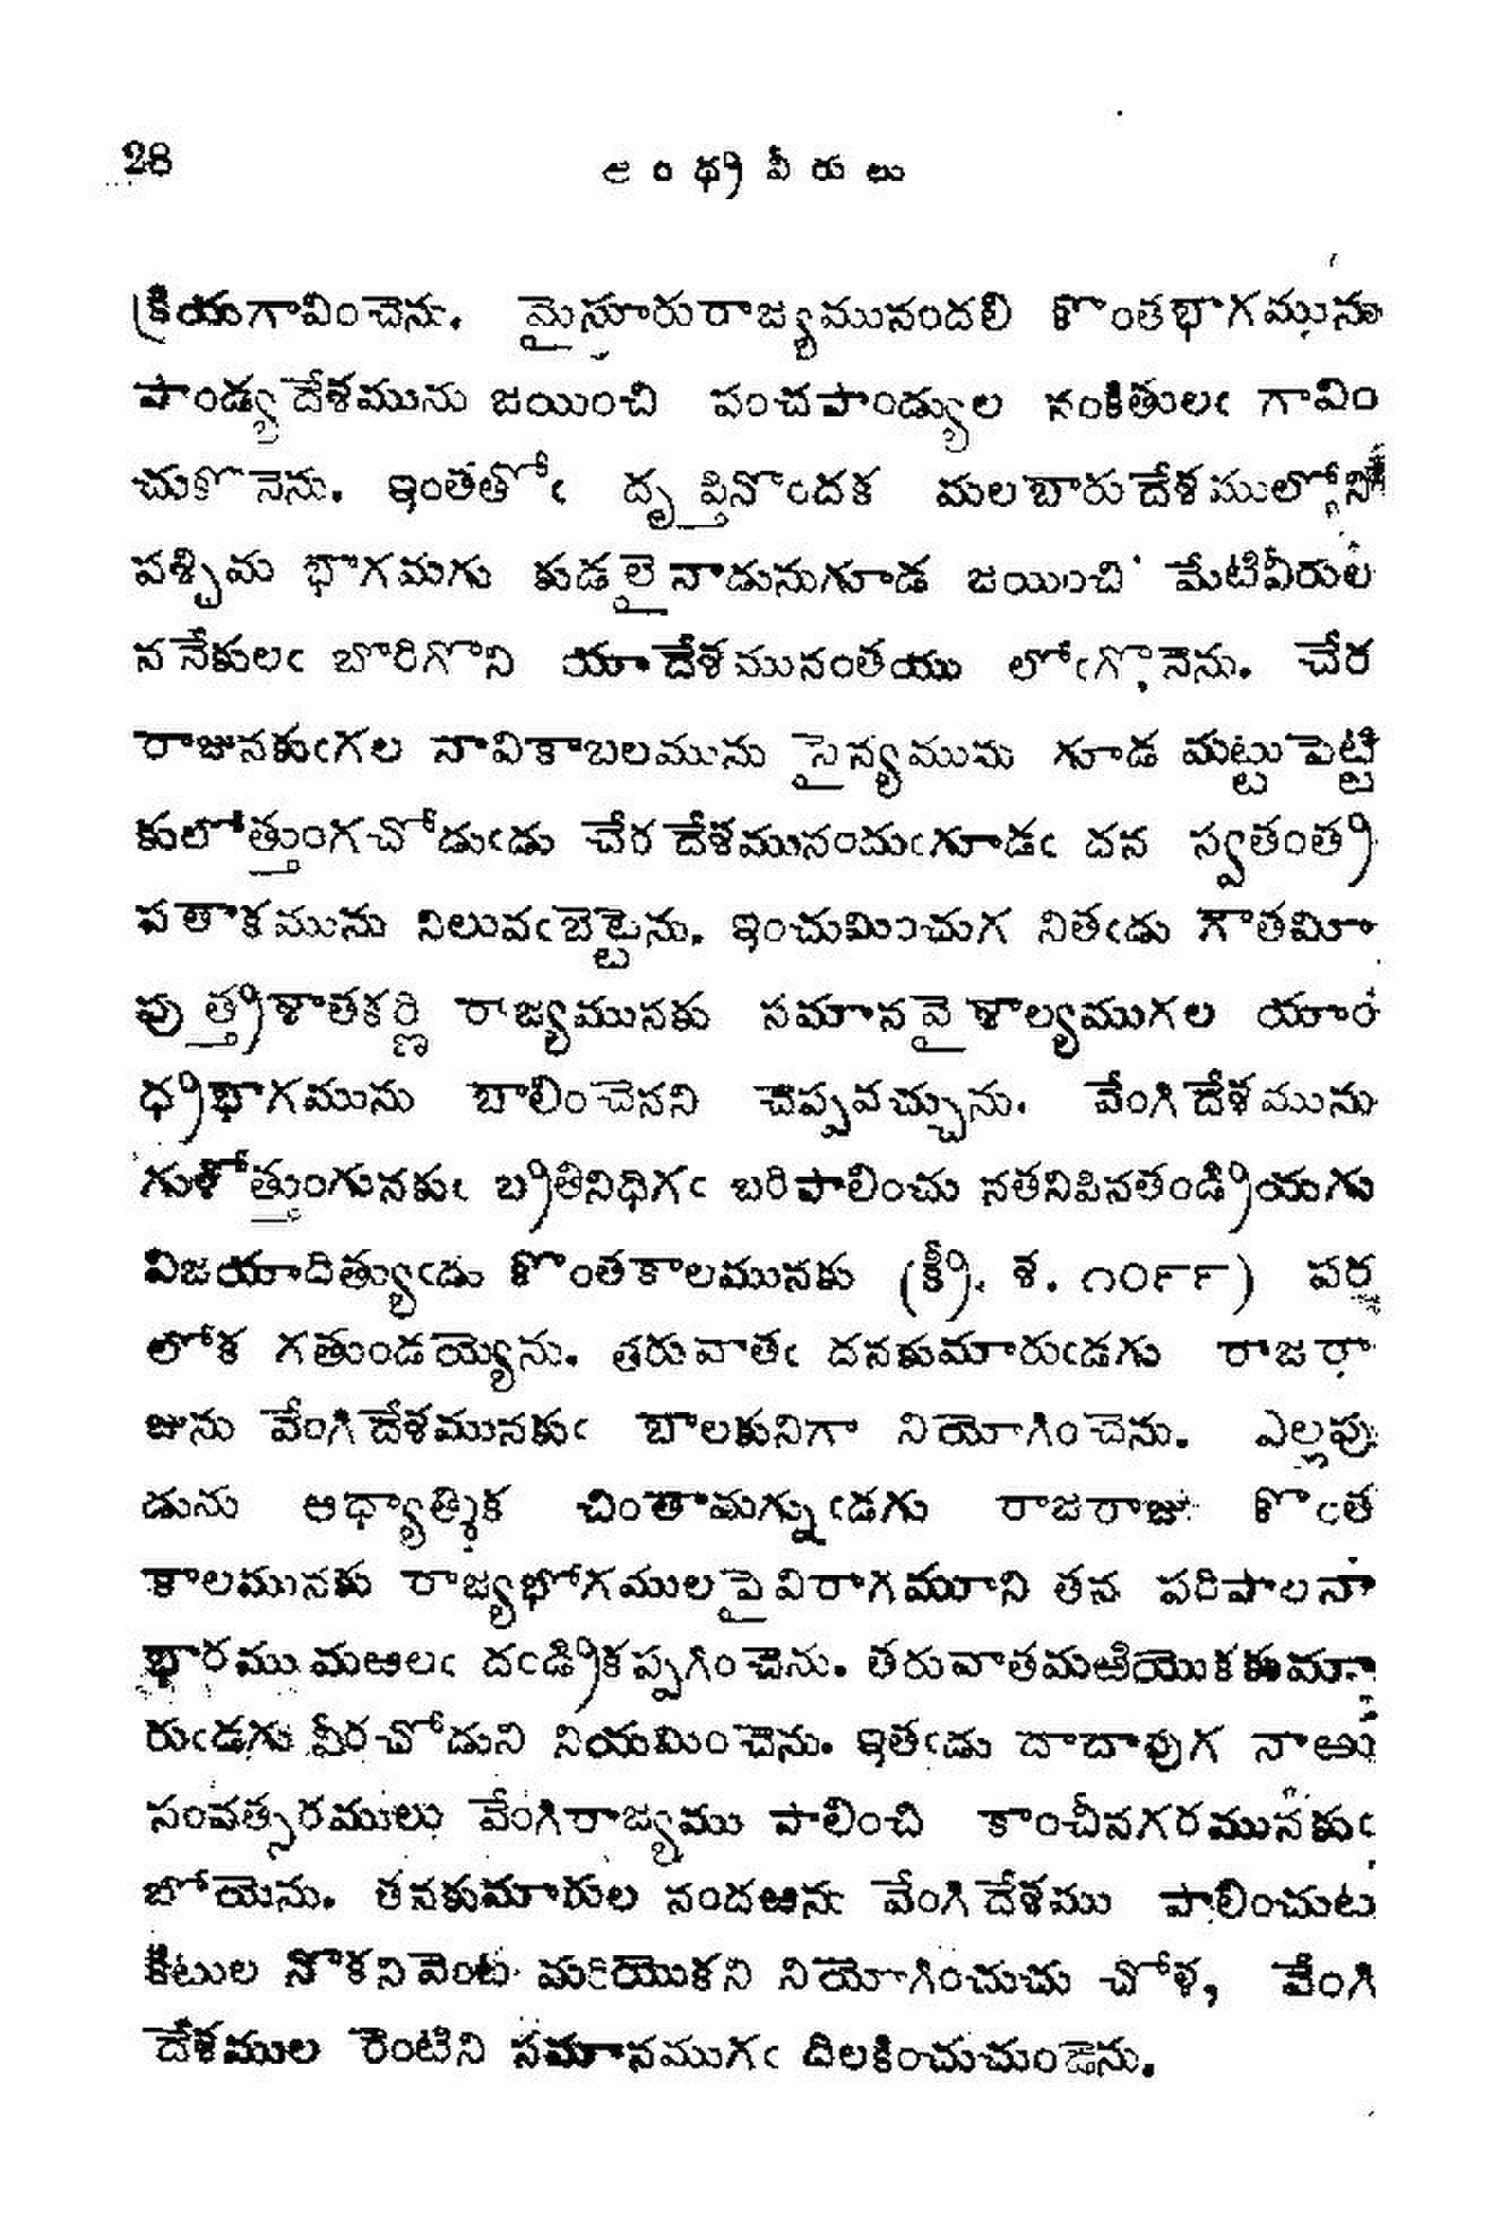క్రియగావించెను. మైసూరురాజ్యమునందలి కొంతభాగమును పాండ్యదేశమును జయించి పంచపాండ్యుల నంకితుల గావించుకొనెను. ఇంతతో దృప్తినొందక మలబారుదేశములోని పశ్చిమ భాగమగు కుడలైనాడునుగూడ జయించి మేటివీరుల ననేకుల బొరిగొని యాదేశమునంతయు లోగొనెను. చేరరాజునకుగల నావికాబలమును సైన్యమును గూడ మట్టుపెట్టి కులోత్తుంగచోడుడు చేర దేశమునందు గూడ దన స్వతంత్ర పతాకమును నిలువబెట్టెను. ఇంచుమించుగ నితడు గౌతమీపుత్ర శాతకర్ణి రాజ్యమునకు సమానవైశాల్యముగల యాంధ్రభాగమును బాలించెనని చెప్పవచ్చును. వేంగిదేశమును గుళోత్తుంగునకు బ్రతినిధిగ బరిపాలించు నతనిపినతండ్రియగు విజయాదిత్యుడు కొంతకాలమునకు (క్రీ.శ.1099) పరలోక గతుండయ్యెను. తరువాత దనకుమారుడగు రాజరాజును వేంగిదేశమునకు బాలకునిగా నియోగించెను. ఎల్లపుడును ఆధ్యాత్మిక చింతామగ్నుడగు రాజరాజు కొంత కాలమునకు రాజ్యభోగములపై విరాగమూని తన పరిపాలనాభారము మఱల దండ్రికప్పగించెను. తరువాత మఱియొక కుమారుడగు వీరచోడుని నియమించెను. ఇతడు దాదాపుగ నాఱు సంవత్సరములు వేంగిరాజ్యము పాలించి కాంచీనగరమునకు బోయెను. తనకుమారుల నందఱను వేంగిదేశము పాలించుట కిటుల నొకనివెంట మరియొకని నియోగించుచు చోళ, వేంగి దేశముల రెంటిని సమానముగ దిలకించుచుండెను.